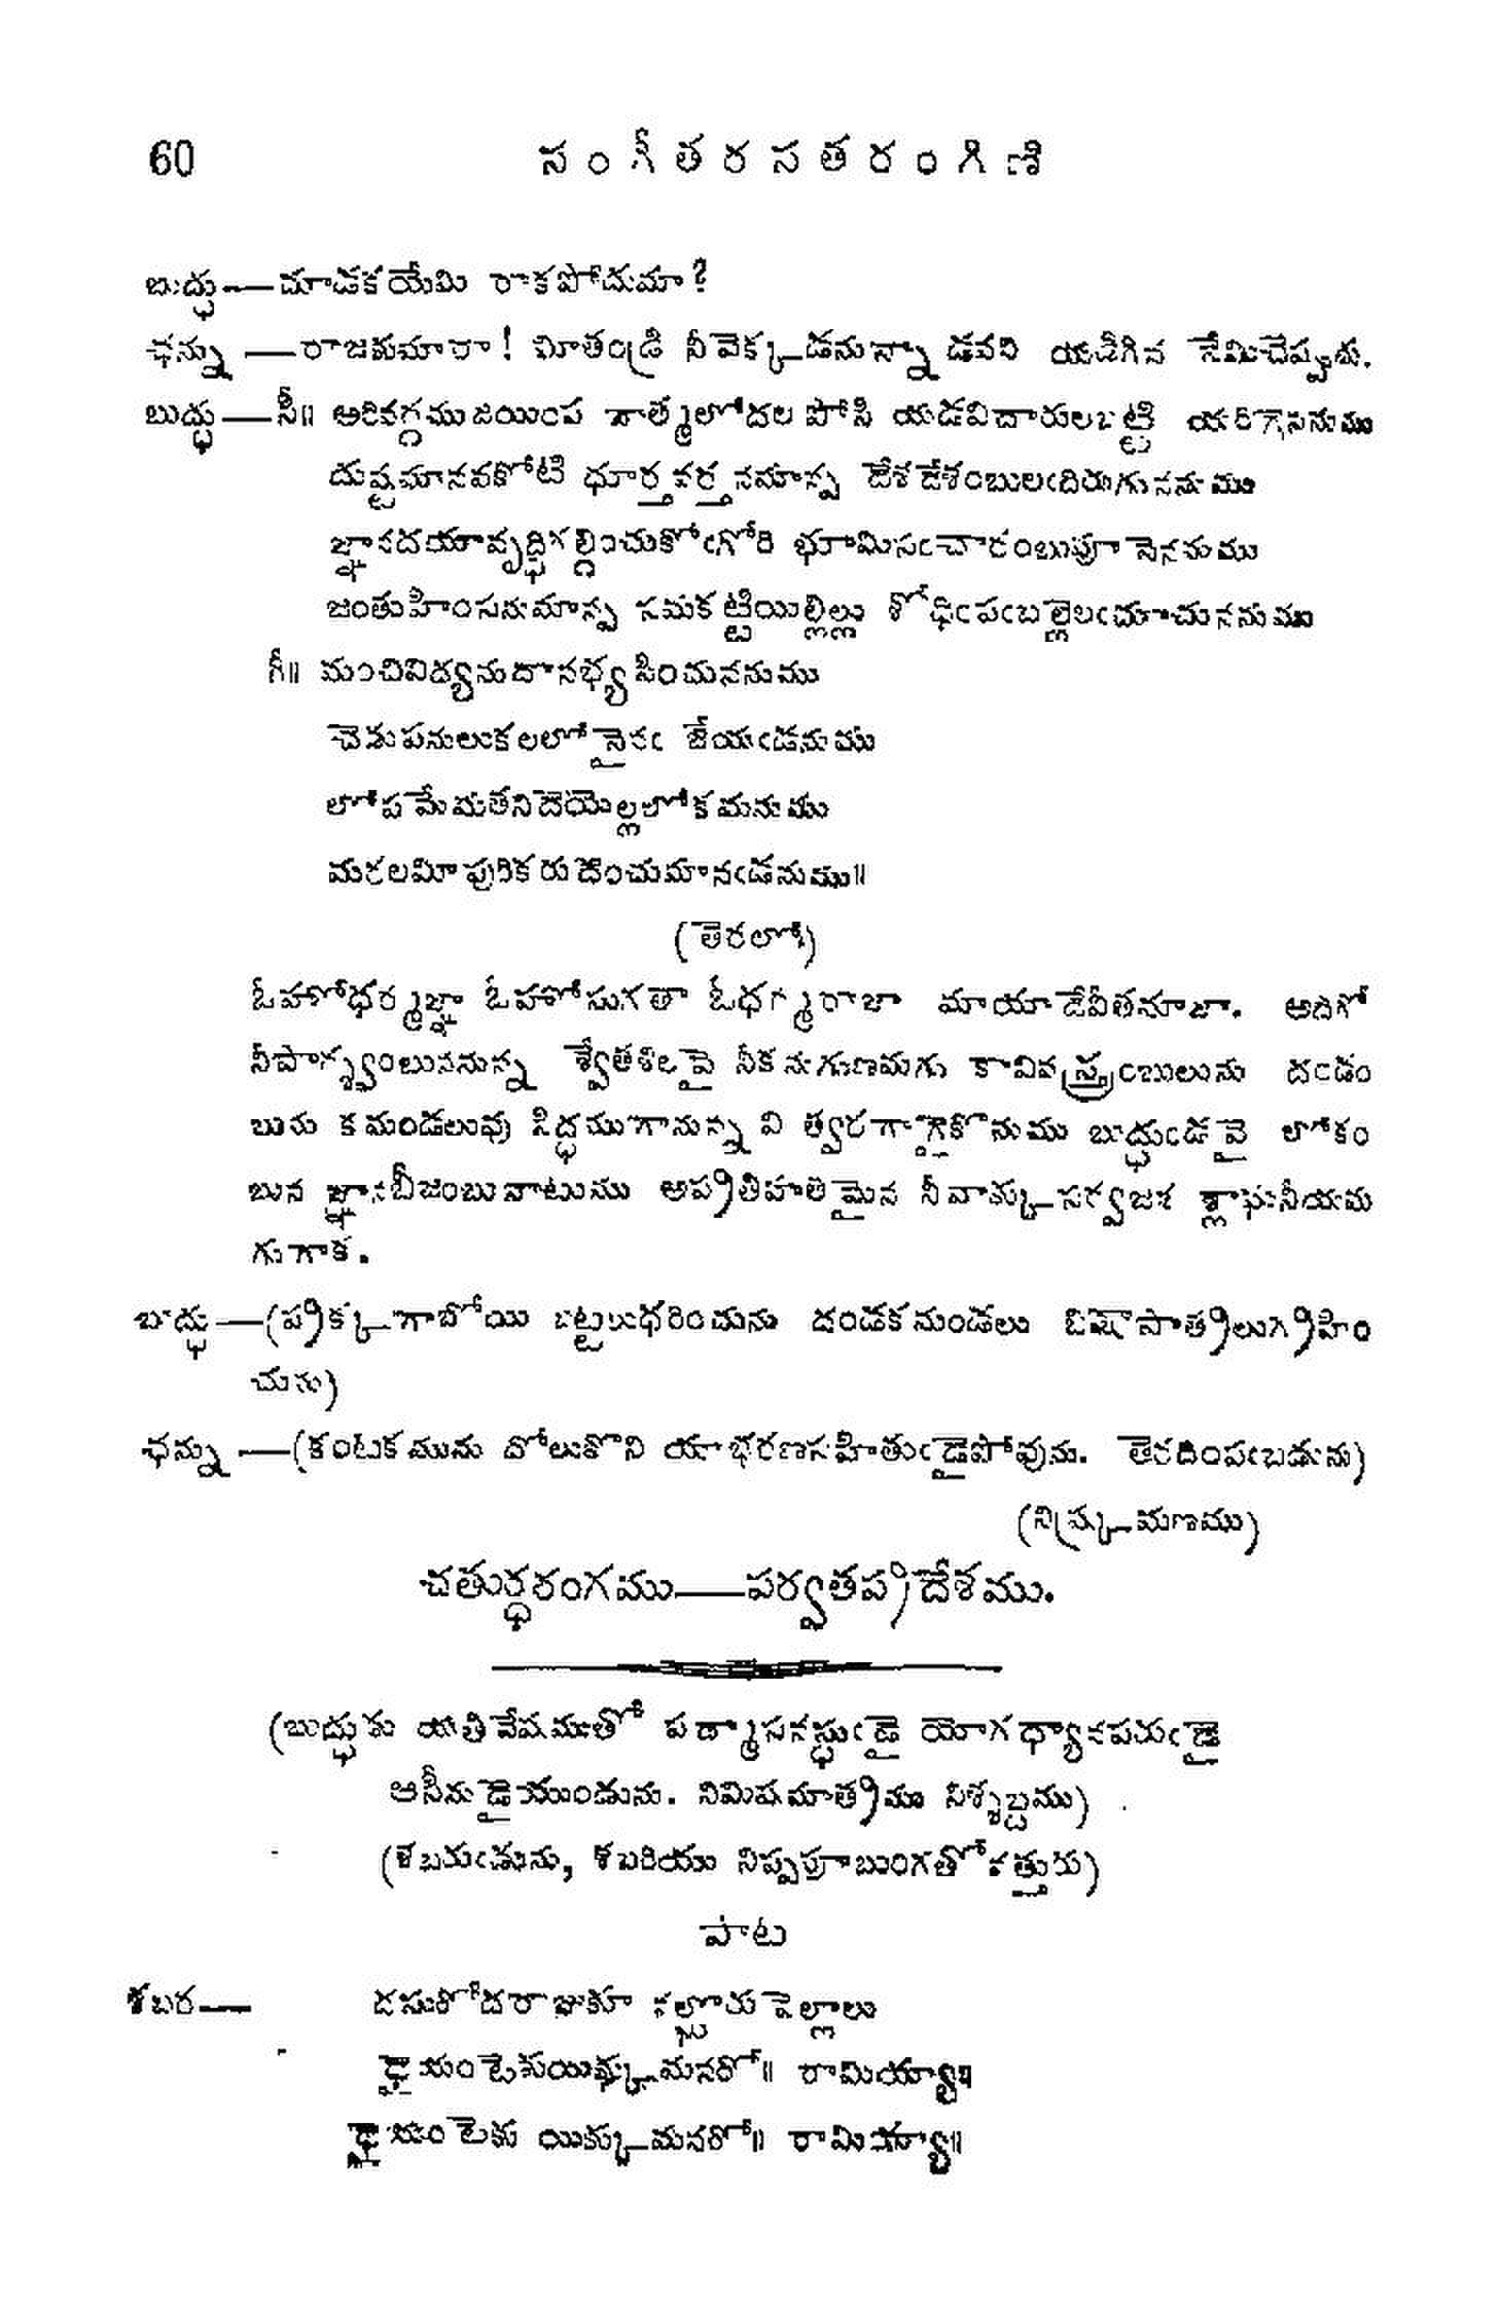బుద్ధు —— చూడకయేమి రాకపోదుమా?

ఛన్ను — రాజకుమారా! మీ తండ్రి నీవెక్కడనున్నాడనని యడిగిన నేమిచేప్పును.

సీ॥ ఆరివర్గముజయింప నాత్మలోదలపోసి యడవిదారులబట్టి యరిగెననుము 
దుష్టమానవకోటి ధూర్తనర్తననూన్ప దేశదేశంబులఁదిరుగుననుము
జ్ఞాకదయావృద్ధిగల్గించుకోఁగోరి భూమిసఁచారంబుపూ నెనరుము
జంతుహింసనుమాన్ప సమకట్టియిల్లిల్లు శోధిఁపఁబల్లెలఁచూచుననుము 

గీ॥ మంచివిద్యనుదానభ్యసించుననుము
చెడుపనులుకలలో నైనఁ జేయఁడనుము
లోపమేమతనిదెయెల్లలోకమనుము
మరలమీపురికరుదెంచుమానఁడనుము॥  

ఓహోధర్మజ్ఞా ఓహోసుగతా ఓధర్మరాజా మాయాదేవీతనూజా. అదిగో నీపార్శ్వంబుననున్న శ్వేతశిలపై నీకనుగుణమగు కావివస్త్రులును దండంబును కమండలువు సిద్ధముగానున్నవి త్వరగాగైకొనుము బుద్ధుఁడపై లోకంబున జ్ఞానబీజింబునాటును అప్రతిహతమైన వాక్కు
సర్వజక క్లాఘనీయమగుగాక.

బద్ధు — (ప్రక్కగాబోయి బట్టలు ధరించును దండకనుండలు బిక్షపాత్రలుగ్రహించును)

ఛన్ను — (కంటకమును దోలుకొని యాభరణసహితుఁడైపోవును. తెరదింపఁబడును)

శబర - దసురోదరాజుకూ నాల్గొరుపెల్లాలు 
ధైయంటేకుయిక్కుమనరో ॥రామియ్యా॥
ధైయంటేకుయిక్కుమనరో ॥రామియ్యా॥